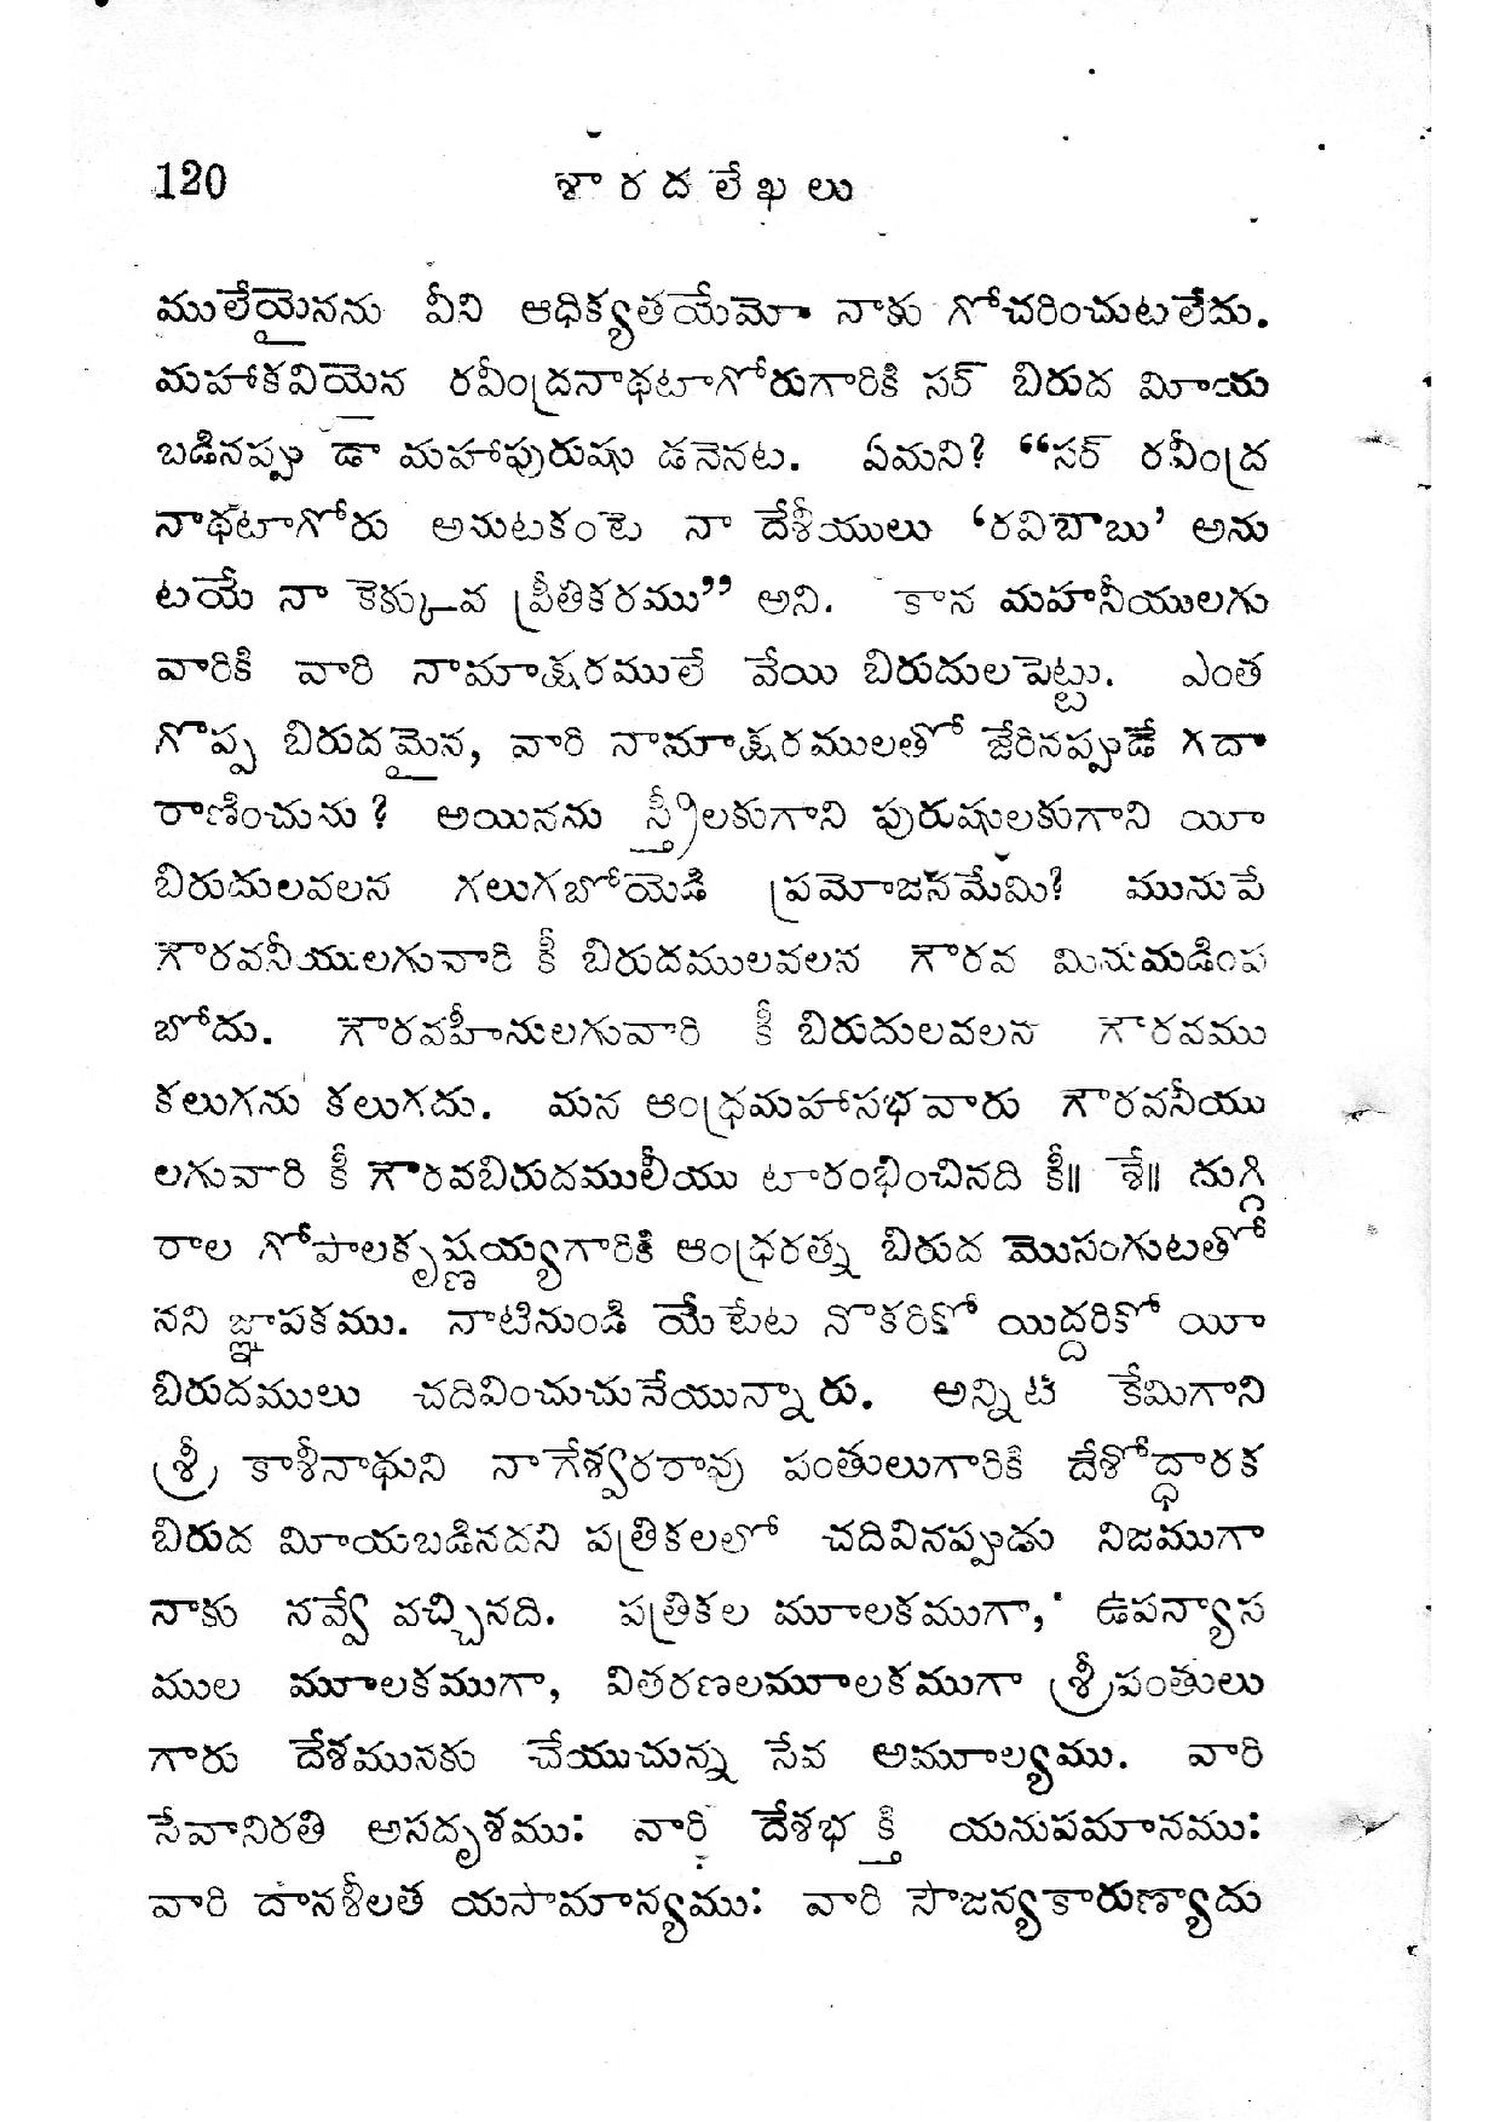ములేయైనను వీని ఆధిక్యతయేమో నాకు గోచరించుటలేదు. మహాకవియైన రవీంద్రనాథటాగోరుగారికి సర్ బిరుద మీయబడినప్పు డా మహాపురుషు డనెనట. ఏమని? "సర్ రవీంద్రనాథటాగోరు అనుటకంటె నా దేశీయులు 'రవిబాబు' అనుటయే నా కెక్కువ ప్రీతికరము” అని. కాన మహనీయులగు వారికి వారి నామాక్షరములే వేయి బిరుదులపెట్టు. ఎంత గొప్ప బిరుదమైన, వారి నామాక్షరములతో జేరినప్పుడే గదా
రాణించును? అయినను స్త్రీలకుగాని పురుషులకుగాని యీ బిరుదులవలన గలుగబోయెడి ప్రయోజనమేమి? మునుపే గౌరవనీయులగువారి కీ బిరుదములవలన గౌరవ మినుమడింప బోదు. గౌరవహీనులగువారి కీ బిరుదులవలన గౌరవము కలుగను కలుగదు. మన ఆంధ్రమహాసభవారు గౌరవనీయులగువారి కీ గౌరవబిరుదములీయు టారంభించినది కీ॥ శే॥ దుగ్గిరాల గోపాలకృష్ణయ్యగారికి ఆంధ్రరత్న బిరుద మొసంగుటతో నని జ్ఞాపకము. నాటినుండి యేటేట నొకరికో యిద్దరికో యీ బిరుదములు చదివించుచునేయున్నారు. అన్నిటి కేమిగాని శ్రీ కాశీనాథుని నాగేశ్వరరావు పంతులుగారికి దేశోద్ధారక బిరుద మీయబడినదని పత్రికలలో చదివినప్పుడు నిజముగా నాకు నవ్వే వచ్చినది. పత్రికల మూలకముగా, ఉపన్యాసముల మూలకముగా, వితరణలమూలకముగా శ్రీపంతులుగారు దేశమునకు చేయుచున్న సేవ అమూల్యము. వారి సేవానిరతి అసదృశము: వారి దేశభక్తి యనుపమానము: వారి దానశీలత యసామాన్యము: వారి సౌజన్యకారుణ్యాదు